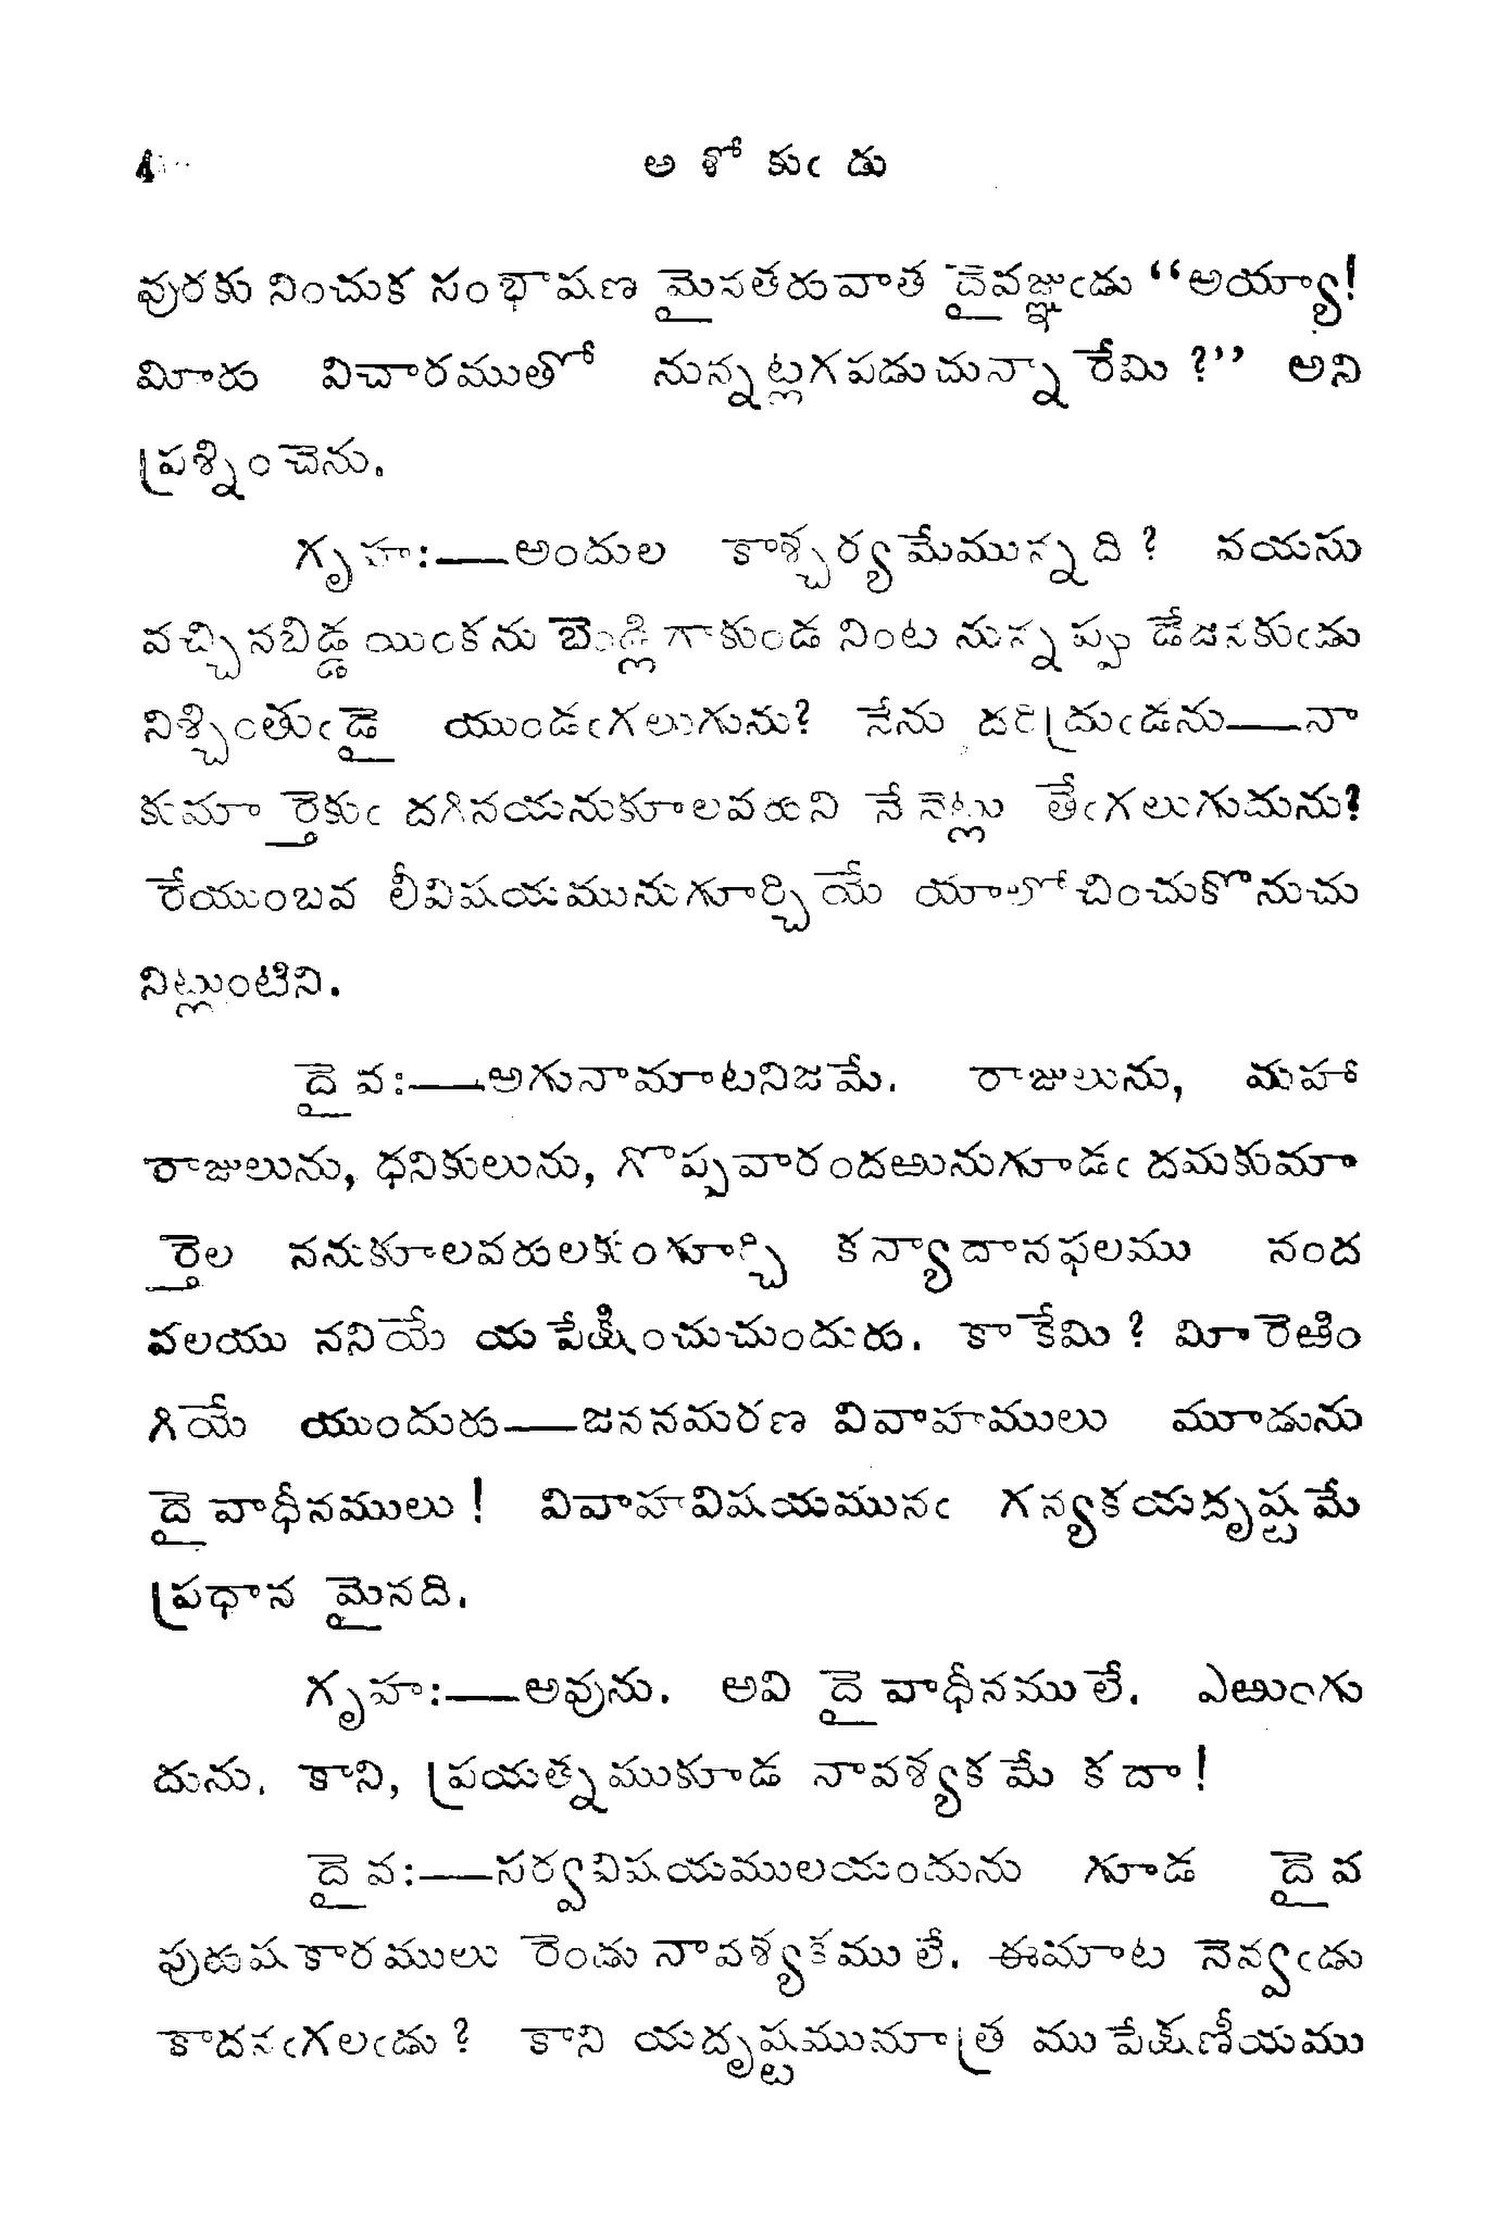వురకు నించుక సంభాషణ మైన తరువాత 'దైవజ్ఞుఁడు “అయ్యా! మీరు విచారముతో నున్నట్లగ పడుచున్నారేమి? " అని ప్రశ్నించెను.

గృహ:- అందుల కాశ్చర్యమేమున్నది? వయసు వచ్చినబిడ్డ యింకను బెండ్లి గాకుఁడ నింట నున్నప్పుడేజనకుఁడు నిశ్చింతుఁడై యుండఁగలుగును? నేను దరిద్రుఁడను—— నా కుమారైకుఁ దగిన యనుకూలవరుని నేనెట్లు తేఁగలుగుదును? రేయుంబవ లీవిషయమును గూర్చి యే యాలోచించుకొనుచు నిట్లుంటిని.

దైవ:-- అగునామాటనిజమే. రాజులును, మహారాజులును, ధనికులును, గొప్పవారందఱునుగూడఁ దమ కుమార్తెల ననుకూలవరులకుంగూర్చి కన్యాదాన ఫలము నందవలయు ననియే యపేక్షించుచుందురు. కాకేమి? మీరెఱింగియే యుందురు——జననమరణ వివాహములు మూడును
దై వాధీనములు ! వివాహ విషయమునఁ గన్యకయదృష్టమే ప్రధాన మైనది.

గృహ:- అవును. అవి దైవాధీనములే. ఎఱుఁగుదును. కాని, ప్రయత్నముకూడ నావశ్యక మే కదా!

దైవ:-సర్వవిషయములయందును గూడ దైవ పురుష కారములు రెండు నావశ్యకములే. ఈమాట నెన్వఁడు కాదనఁగలఁడు? కాని యదృష్టముమాత్రము పేక్షుణీయము